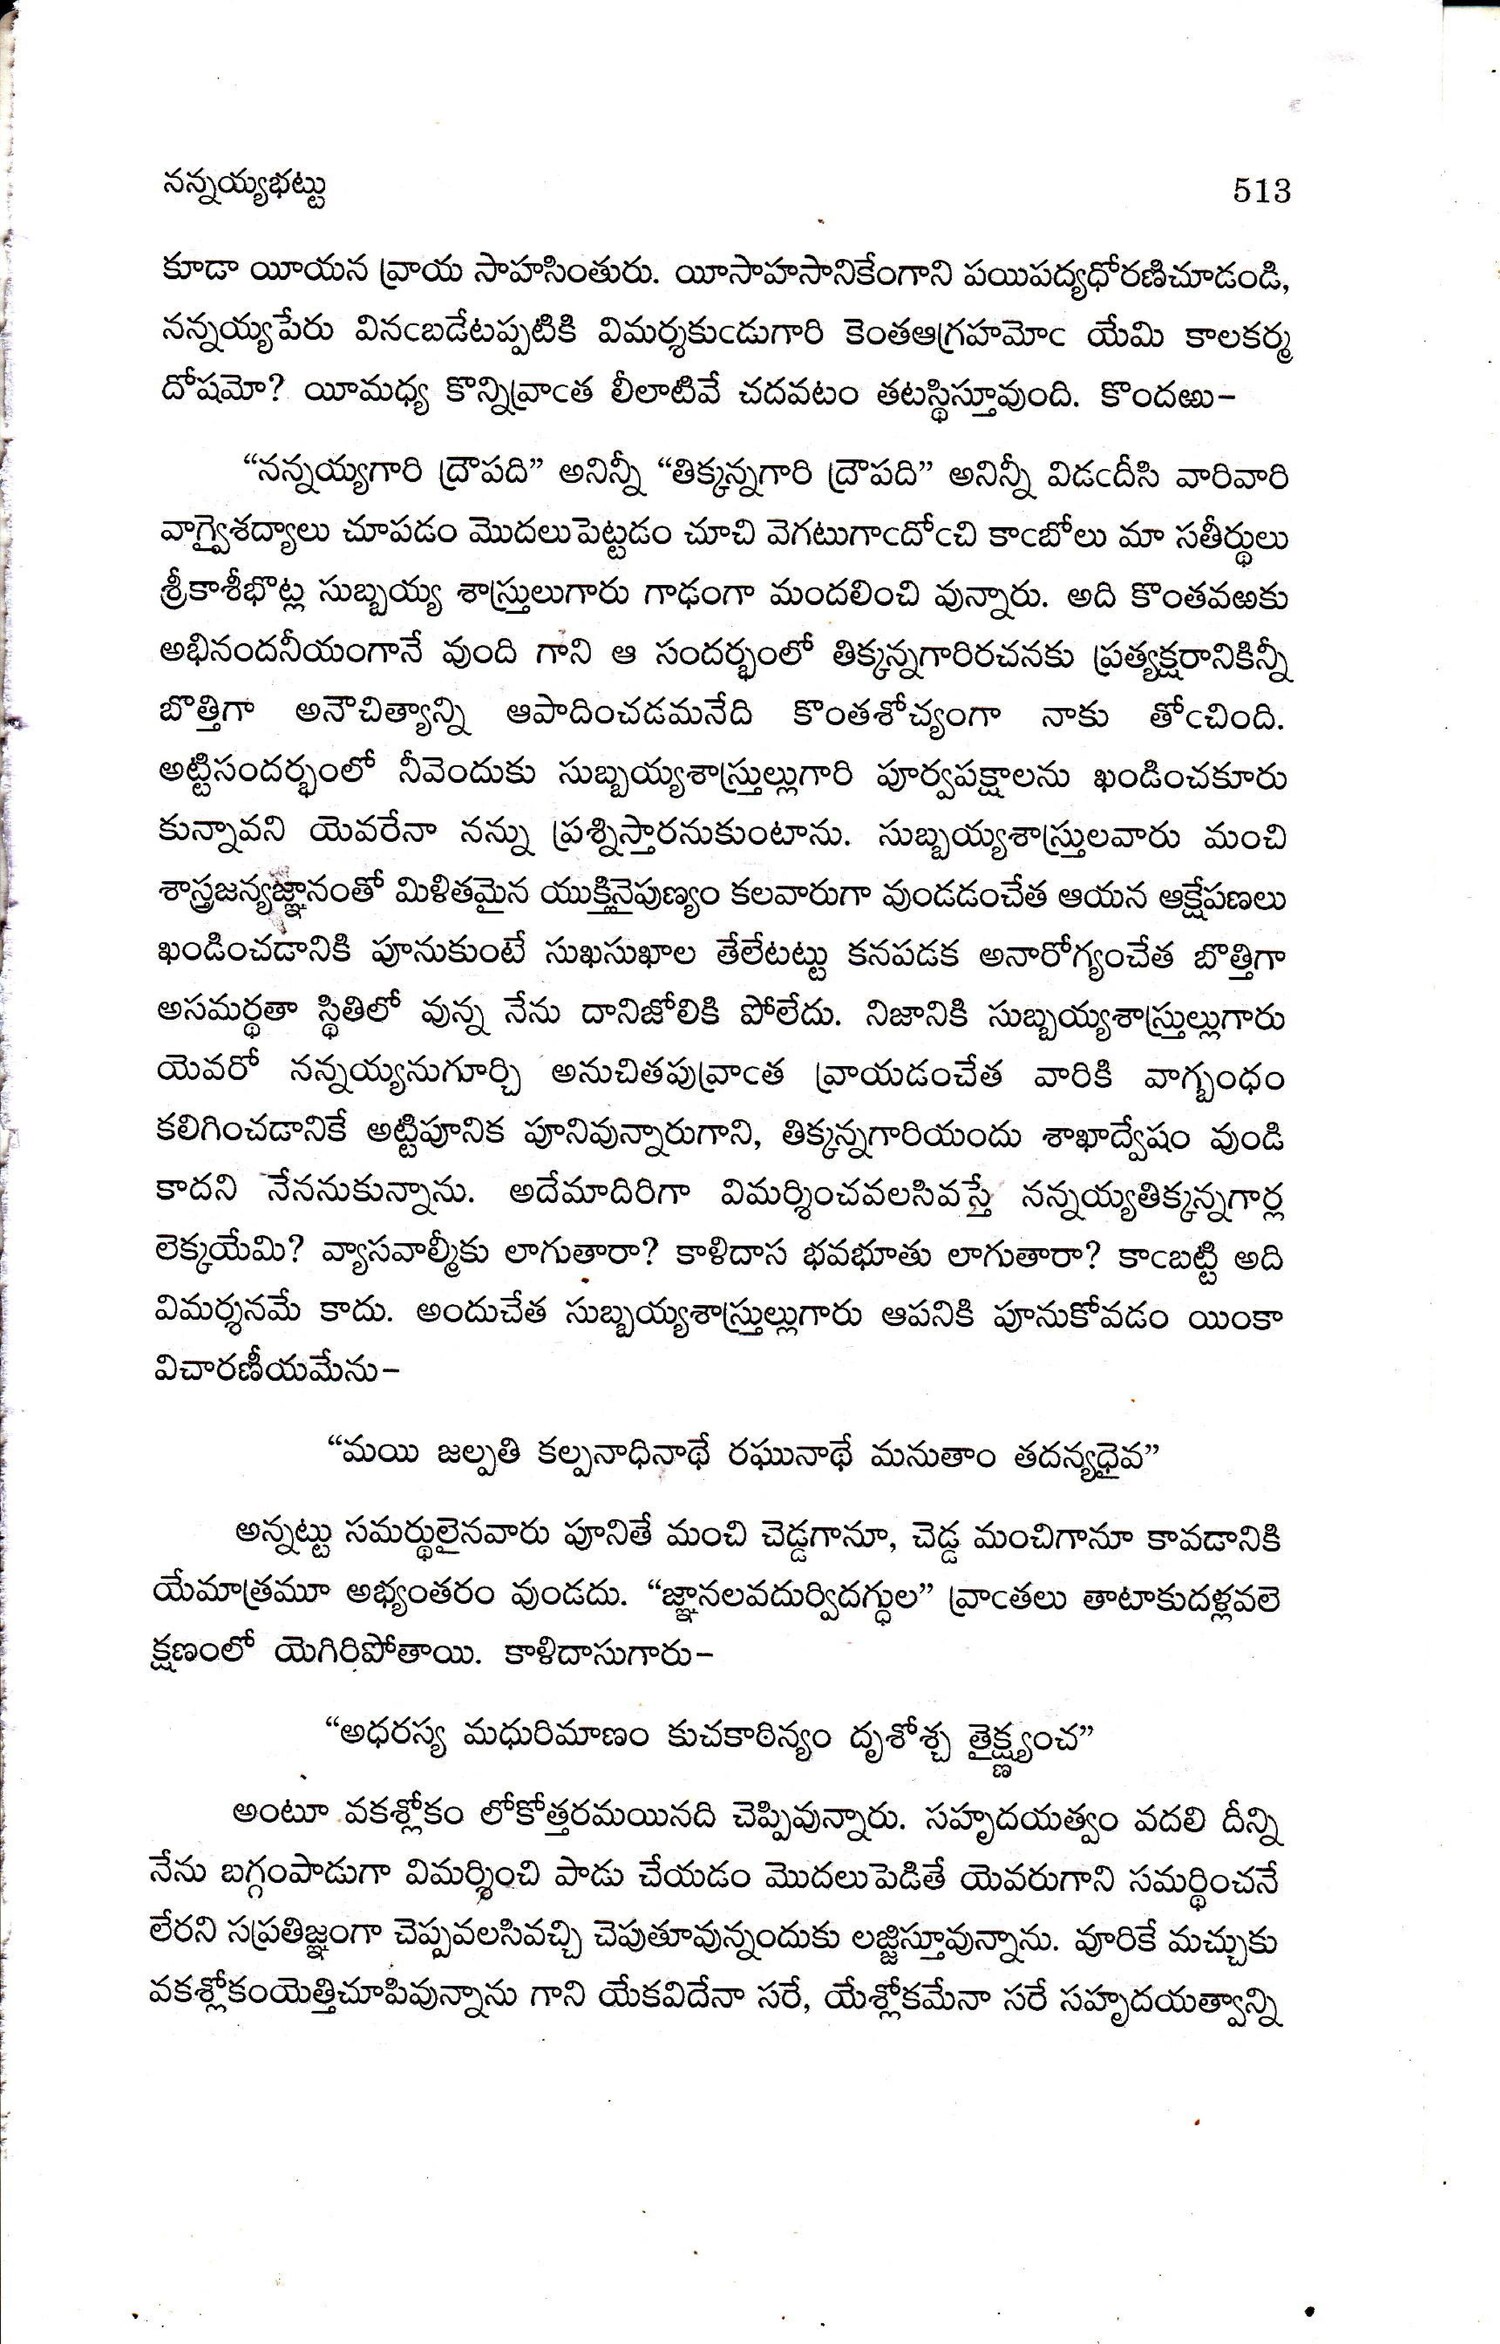కూడా యీయన వ్రాయ సాహసింతురు. యీసాహసానికేంగాని పయిపద్యధోరణిచూడండి, నన్నయ్యపేరు వినఁబడేటప్పటికి విమర్శకుఁడుగారి కెంతఅగ్రహమోఁ యేమి కాలకర్మ దోషమో? యీమధ్య కొన్నివ్రాఁత లీలాటివే చదవటం తటస్థిస్తూవుంది. కొందఱు-

“నన్నయ్యగారి ద్రౌపది” అనిన్నీ “తిక్కన్నగారి ద్రౌపది” అనిన్నీ విడఁదీసి వారివారి వాగ్వైశద్యాలు చూపడం మొదలుపెట్టడం చూచి వెగటుగాఁదోఁచి కాఁబోలు మా సతీర్థులు శ్రీకాశీభొట్ల సుబ్బయ్య శాస్త్రులుగారు గాఢంగా మందలించి వున్నారు. అది కొంతవఱకు అభినందనీయంగానే వుంది గాని ఆ సందర్భంలో తిక్కన్నగారిరచనకు ప్రత్యక్షరానికిన్నీ బొత్తిగా అనౌచిత్యాన్ని ఆపాదించడమనేది కొంతశోచ్యంగా నాకు తోఁచింది. అట్టిసందర్భంలో నీవెందుకు సుబ్బయ్యశాస్త్రుల్లుగారి పూర్వపక్షాలను ఖండించకూరుకున్నావని యెవరేనా నన్ను ప్రశ్నిస్తారనుకుంటాను. సుబ్బయ్యశాస్త్రులవారు మంచి శాస్త్రజన్యజ్ఞానంతో మిళితమైన యుక్తినైపుణ్యం కలవారుగా వుండడంచేత ఆయన ఆక్షేపణలు ఖండించడానికి పూనుకుంటే సుఖసుఖాల తేలేటట్టు కనపడక అనారోగ్యంచేత బొత్తిగా అసమర్థతా స్థితిలో వున్న నేను దానిజోలికి పోలేదు. నిజానికి సుబ్బయ్యశాస్త్రుల్లుగారు యెవరో నన్నయ్యనుగూర్చి అనుచితపువ్రాఁత వ్రాయడంచేత వారికి వాగ్బంధం కలిగించడానికే అట్టిపూనిక పూనివున్నారుగాని, తిక్కన్నగారియందు శాఖాద్వేషం వుండికాదని నేననుకున్నాను. అదేమాదిరిగా విమర్శించవలసివస్తే నన్నయ్యతిక్కన్నగార్ల లెక్కయేమి? వ్యాసవాల్మీకు లాగుతారా? కాళిదాస భవభూతు లాగుతారా? కాcబట్టి అది విమర్శనమే కాదు. అందుచేత సుబ్బయ్యశాస్త్రుల్లుగారు ఆపనికి పూనుకోవడం యింకా విచారణీయమేను

“మయి జల్పతి కల్పనాధినాథే రఘునాథే మనుతాం తదన్యదైవ"
అన్నట్టు సమర్ధులైనవారు పూనితే మంచి చెడ్డగానూ, చెడ్డ మంచిగానూ కావడానికి యేమాత్రమూ అభ్యంతరం వుండదు. "జ్ఞానలవదుర్విదగ్ధుల" వ్రాఁతలు తాటాకుదళ్లవలె క్షణంలో యెగిరిపోతాయి. కాళిదాసుగారు-

“అధరస్య మధురిమాణం కుచకాఠిన్యం దృశోశ్చ తైక్ష్ణ్యంచ"
అంటూ వకశ్లోకం లోకోత్తరమయినది చెప్పివున్నారు. సహృదయత్వం వదలి దీన్ని నేను బగ్గంపాడుగా విమర్శించి పాడు చేయడం మొదలుపెడితే యెవరుగాని సమర్ధించనే లేరని సప్రతిజ్ఞంగా చెప్పవలసివచ్చి చెపుతూవున్నందుకు లజ్జిస్తూవున్నాను. వూరికే మచ్చుకు వకశ్లోకంయొత్తిచూపివున్నాను గాని యేకవిదేనా సరే, యేశ్లోకమేనా సరే సహృదయత్వాన్ని